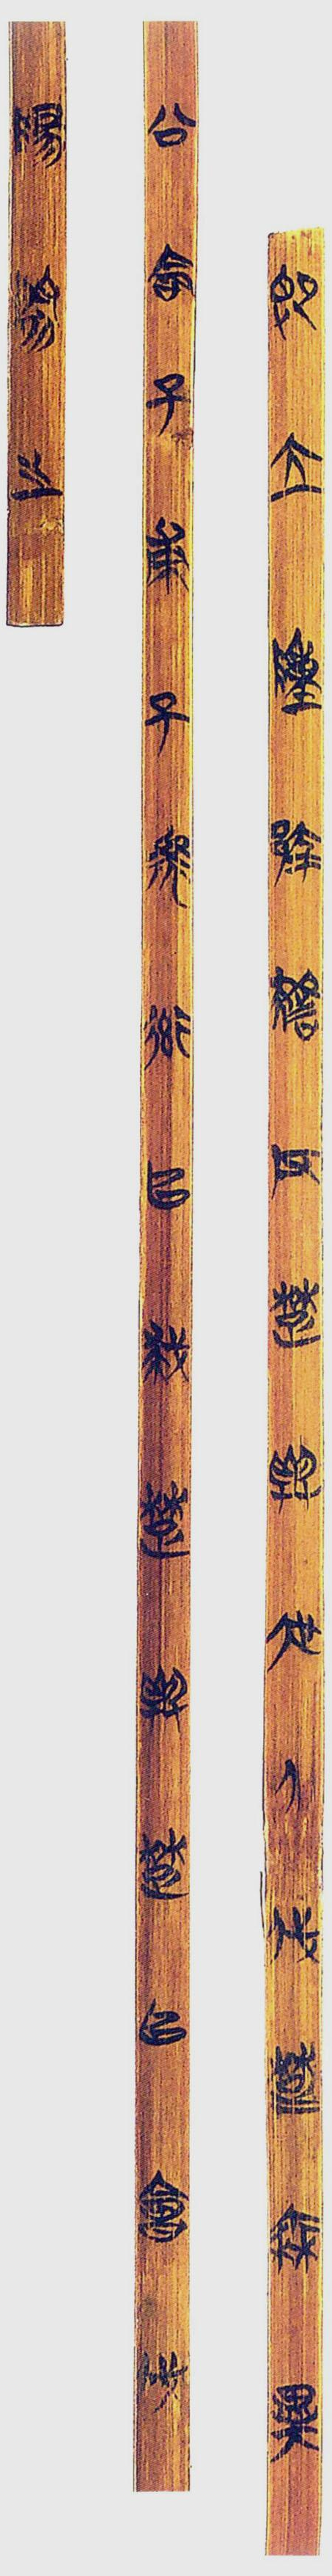即立陳○（蔡）{害夫}反楚與吳人伐楚秦異公命子甫子虎率𠂤{求戈}楚與楚𠂤會伐陽{門夕刀}之
